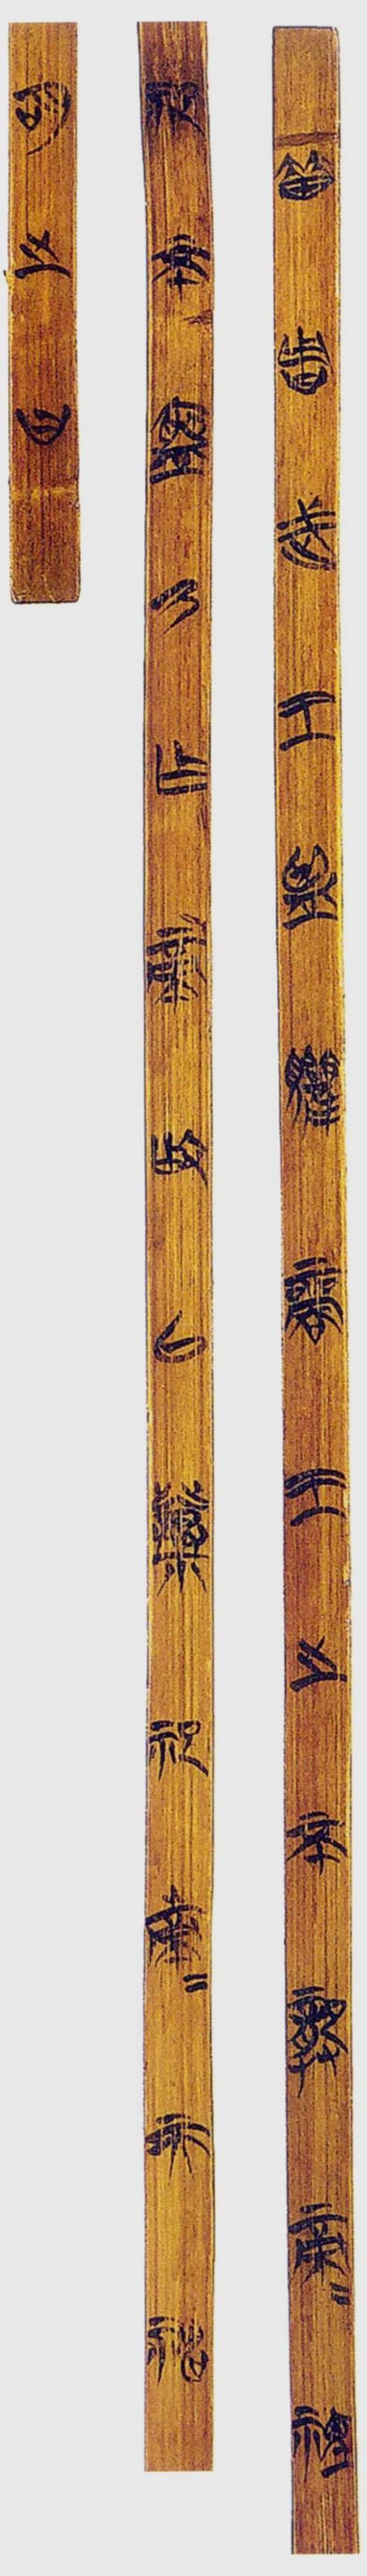昔周武王監觀商王之不{龍廾}{上帝}=禋祀不{寅皿}乃乍帝{乍攴}㠯（以）{登示}祀{上帝}=天神名之曰
